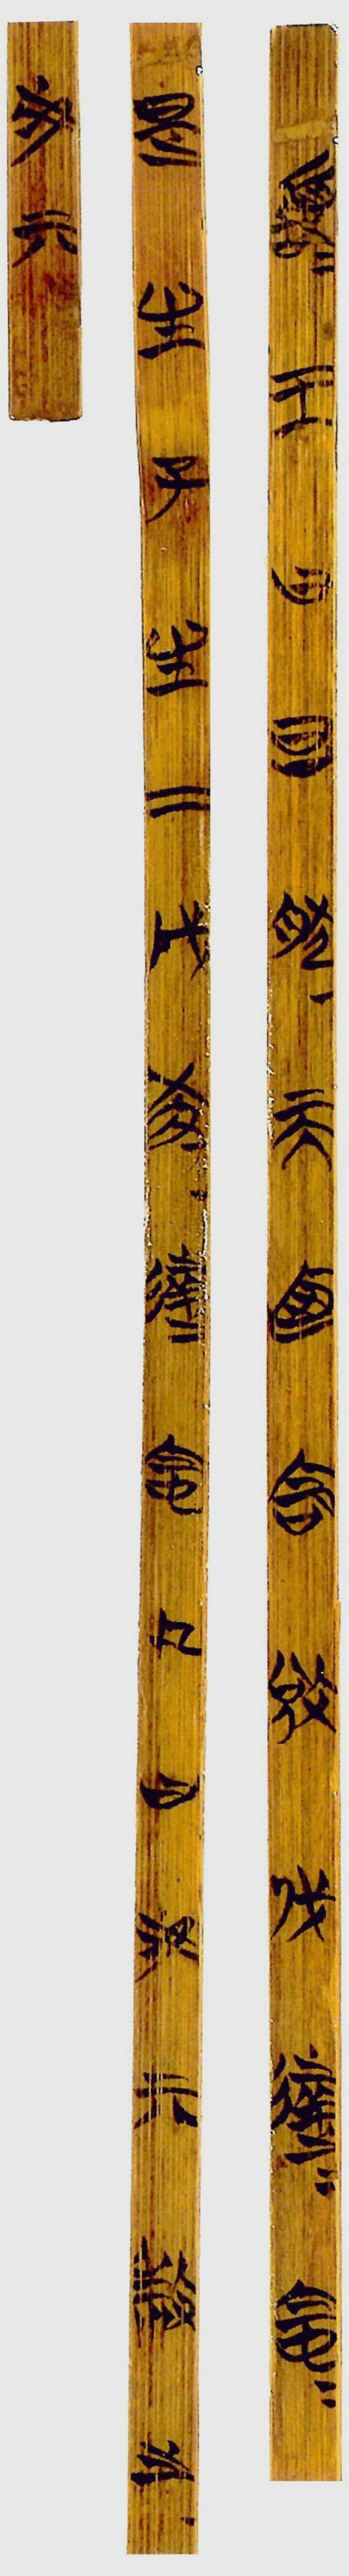旨頁=王曰旦肰天廼命敓（說）伐{辶止㚔}（失）{宀𠁩}（仲）是生子生二戊豕{辶止㚔}（失）{宀𠁩}（仲）卜曰我亓殺之我亓
